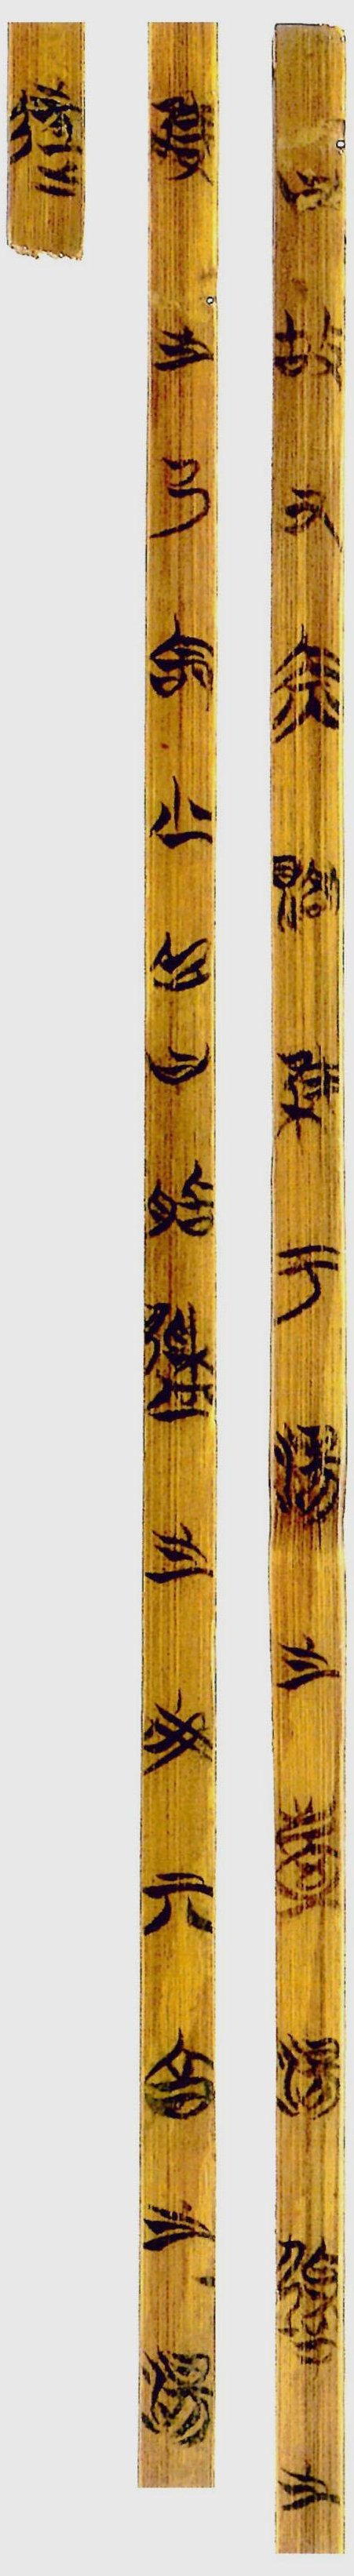曰故又赤{鳥咎}集于湯之{鹿至}湯{弓夬矢}之雘之乃命少臣曰脂{弓采皿}之我亓亯之湯{辶之𡈼}
